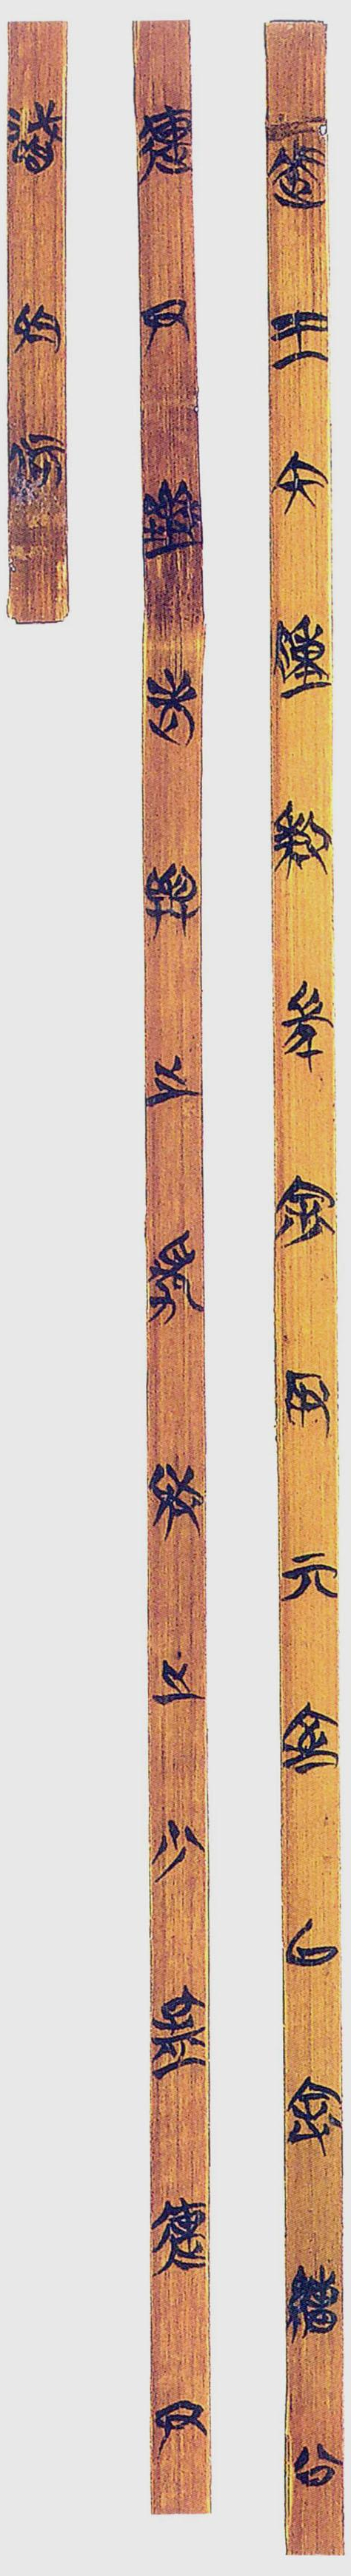麥王內陳殺{山一王}余取亓室㠯（以）{余又}{糸東田}公連尹襄老與之爭敓之少{孔皿}連尹{止頁戈}於河
